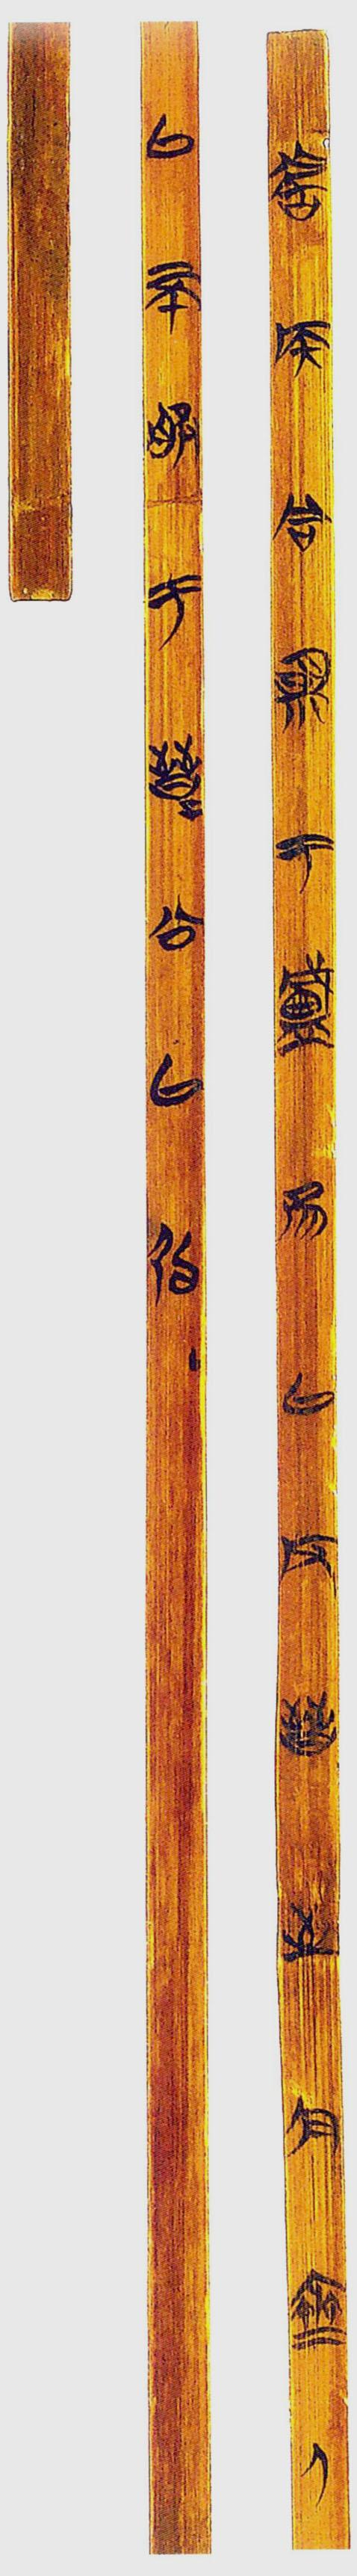者侯同{明示}于鹹泉㠯（以）反晉至今齊人㠯（以）不服于晉=公㠯（以）{人勺}
